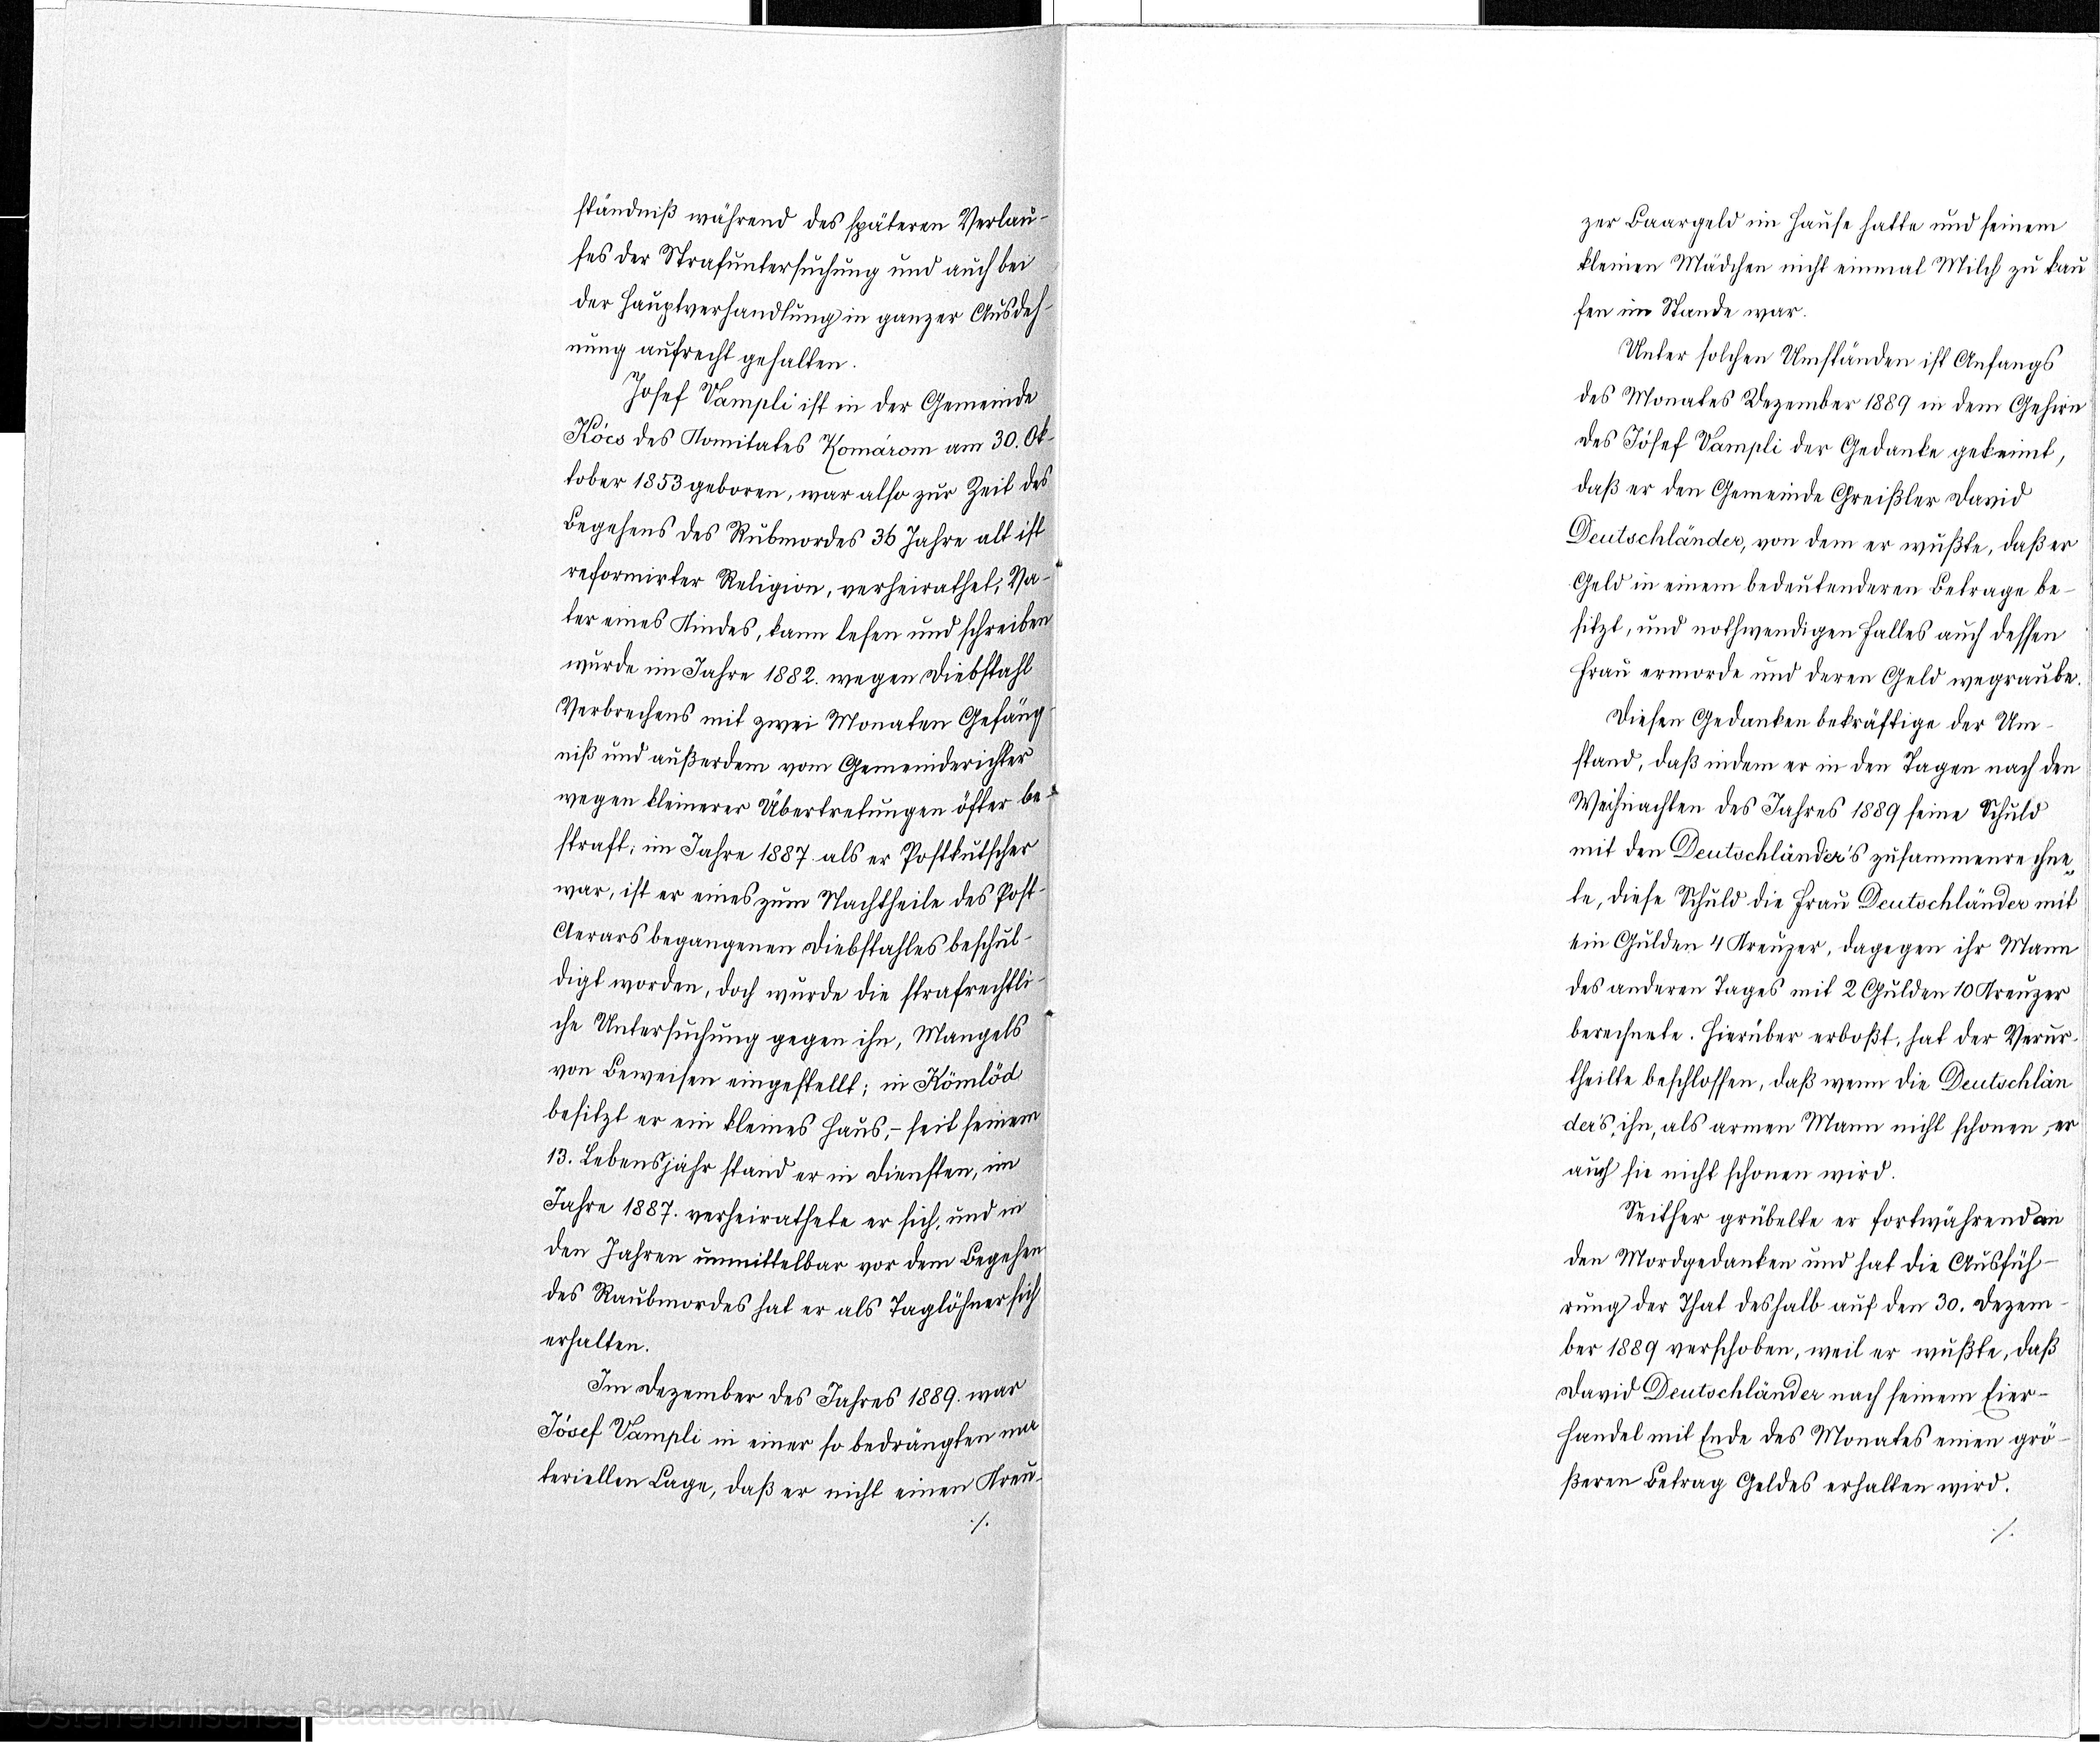ständnis während des späteren Verlau¬
fes der Strafuntersuchung und auch bei
der Hauptverhandlung in ganzer Ausdeh¬
nung aufrecht gehalten.
Josef Vampli ist in der Gemeinde
Kócs des Komitates Komárom am 30. Ok
tober 1853 geboren, war also zur Zeit des
Begehens des Raubmordes 36 Jahre alt ist
reformirter Religion, verheirathet, Va¬
ter eines Kindes, kann lesen und schreiben
wurde im Jahre 1882 wegen Diebstahl
Verbrechens mit zwei Monaten Gefäng¬
niß und außerdem vom Gemeinderichter
wegen kleinerer Übertretungen öfter be¬
straft; im Jahre 1887 als er Postkutscher
war, ist er eines zum Nachtheile des Post-
Aerars begangenen Diebstahles beschul¬
digt worden, doch wurde die strafrechtli¬
che Untersuchung gegen ihn, Marngels
von Beweisen eingestellt; in Kőmlőd
besitzt er ein kleines Haus, – seit seinem
13. Lebensjahr stand er in Diensten, im
Jahre 1887 verheirathete er sich, und in
den Jahren unmittelbar vor dem Begehen
des Raubmordes hat er als Taglöhner sich
erhalten.
Im Dezember des Jahres 1889 war
Jósef Vampli in einer so bedrängten ma¬
teriellen Lage, daß er nicht einen Kreu¬
zer Baargeld im Hause hatte und seinem
kleinen Mädchen nicht einmal Milch zu kau¬
fen im Stande war.
Unter solchen Umständen ist Anfangs
des Monates Dezember 1889 in dem Gehirn
des Jósef Vampli der Gedanke gekeimt,
daß er den Gemeinde Greißler David
Deutschländer, von dem er wußte, daß er
Geld in einem bedeutenderen Betrage be¬
sitzt, und nothwendigen Falles auch dessen
Frau ermorde und deren Geld wegraube.
Diesen Gedanken bekräftige der Um¬
stand, daß indem er in den Tagen nach den
Weihnachten des Jahres 1889 seine Schuld
mit den Deutschländer’s zusammenen rechne¬
te, diese Schuld die Frau Deutschländer mit
ein Gulden 4 Kreuzer, dagegen ihr Mann
des anderen Tages mit 2 Gulden 10 Kreuzer
berechnete. Hierüber erboßt, hat der Verur¬
theilte beschlossen, daß wenn die Deutschlän¬
der’s ihn, als armen Mann nicht schonen, er
auch sie nicht schonen wird.
Seither grübelte er fortwährend an
den Mordgedanken und hat die Ausfüh¬
rung der That deshalb auf den 30. Dezem¬
ber 1889 verschoben, weil er wußte, daß
David Deutschländer nach seinem Eier¬
handel mit Ende des Monates einen grö¬
ßeren Betrag Geldes erhalten wird.